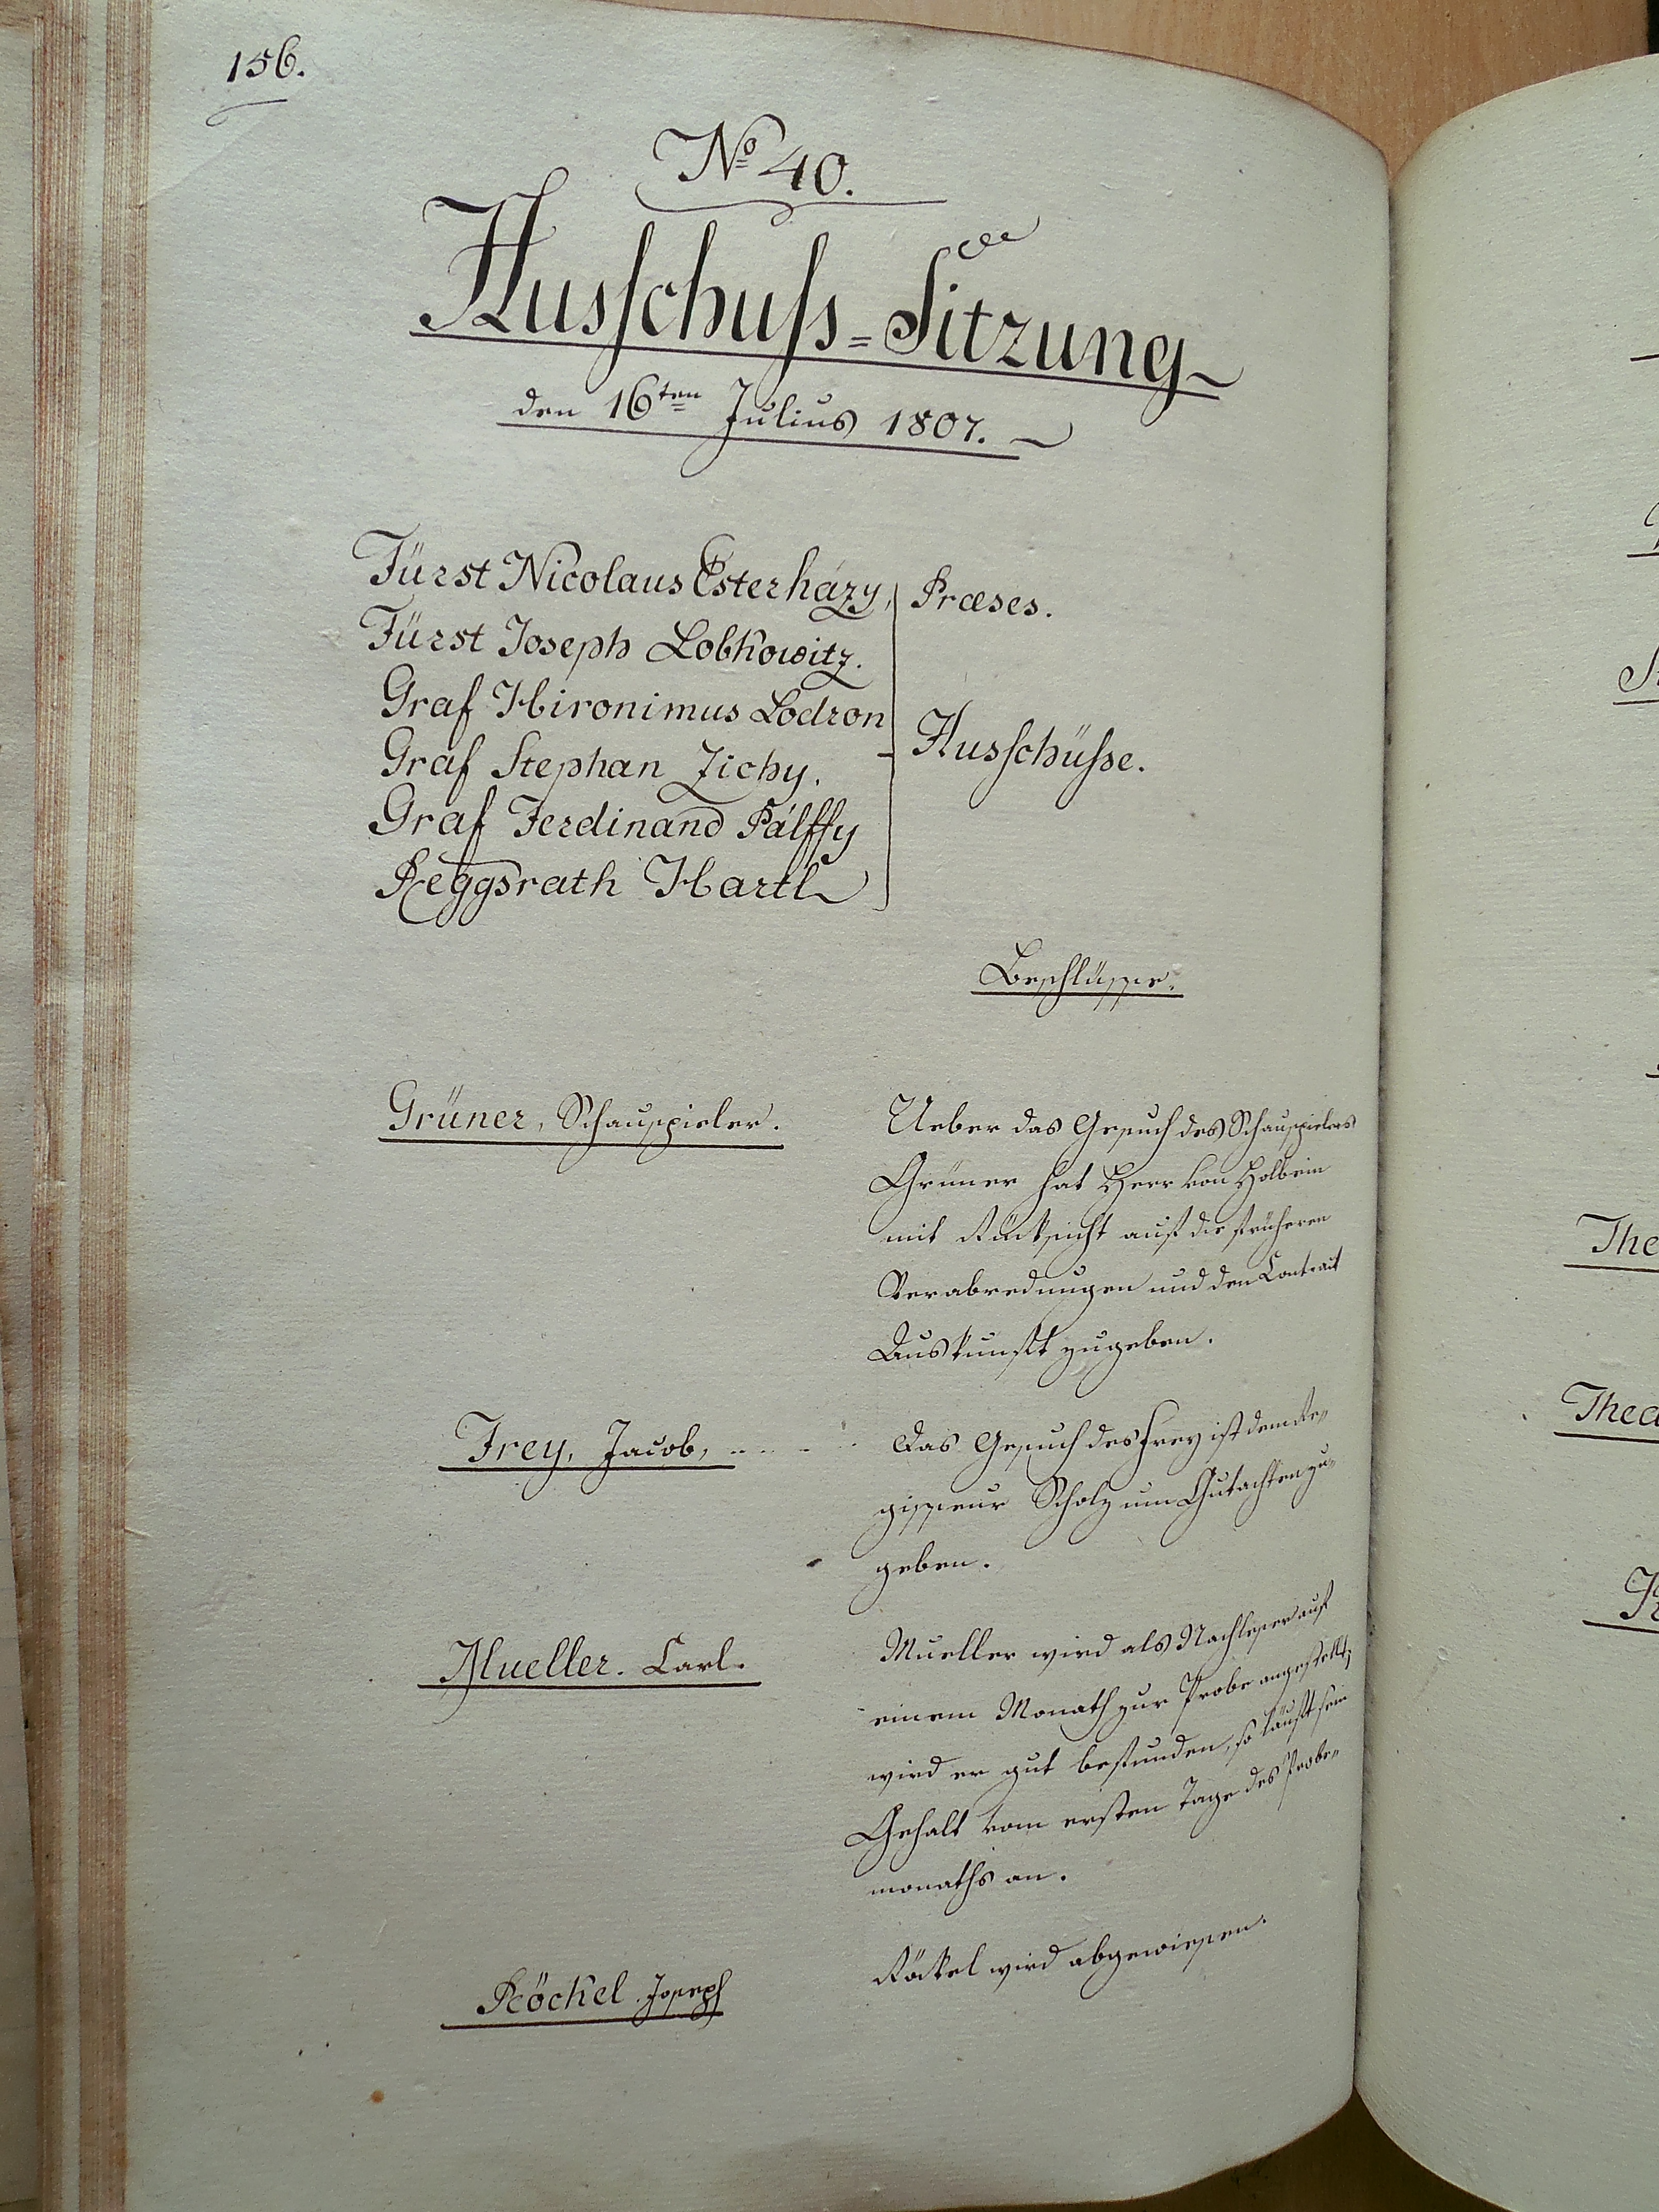156.
No͇ 40.
Ausschuss‗Sitzung
den 16te͇n Julius 1807.
Fürst Nicolaus Esterházy, Præses.
Fürst Joseph Lobkowitz.
Graf Hironimus Lodron
Graf Stephan Zichy.
Graf Ferdinand Pálffy
Reg͞gsrath Hartl
Ausschüsse.
Beschlüsse.
Grüner, Schauspieler. Ueber das Gesuch des Schauspielers
Grüner hat Herr von Holbein
mit Rücksicht auf die früheren
Verabredungen und den Contract
Auskunft zugeben.
Frey, Jacob, .. .. .. .. Das Gesuch des Frey ist dem Re¬
gisseur Scholz um Gutachten zu
geben.
Mueller. Carl. Mueller wird als Nachleser auf
einem Monath zur Probe angestellt,
wird er gut befunden, so läuft sein
Gehalt vom ersten Tage des Probe¬
monaths an.
Röckel. Joseph Röckel wird abgewiesen.